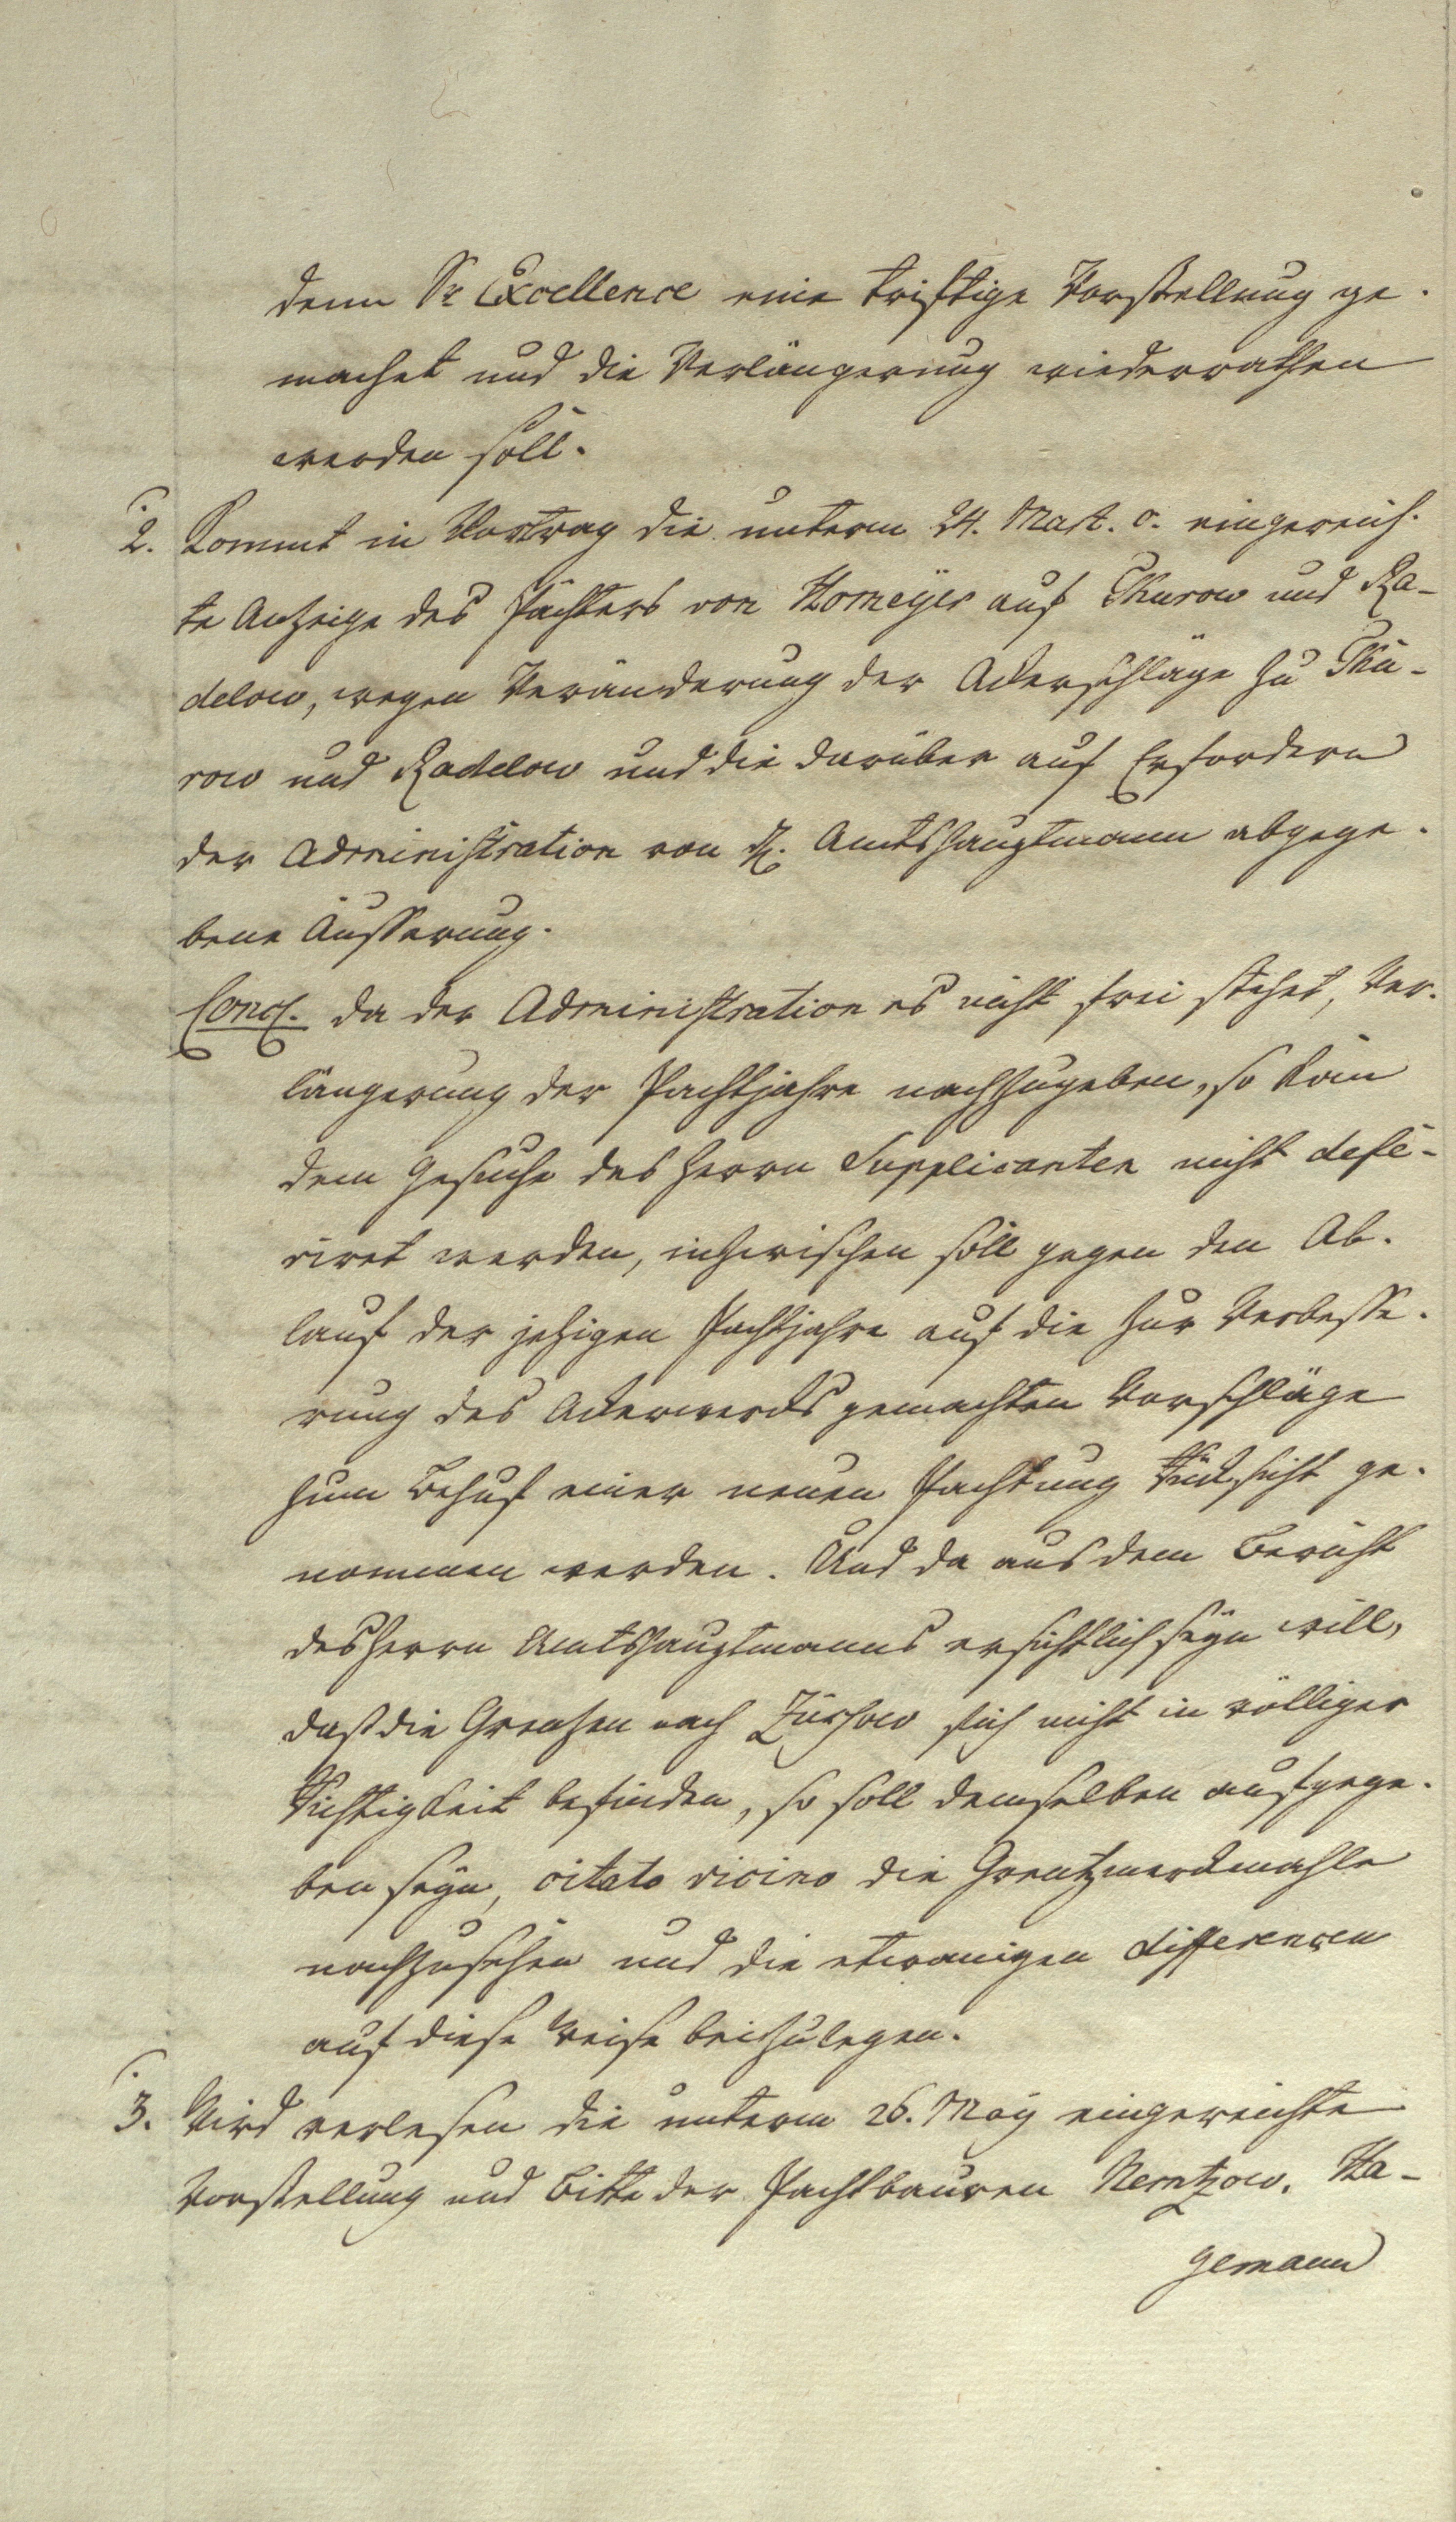denn Sr. Excellence eine triftige Vorstellung ge¬
machet und die Verlängerung wiederrathen
werden soll.
2. Kommt in Vortrag die unterm 24. Mart. c. eingereich¬
te Anzeige des Pächters von Homeyer auf Thurow und Ra¬
delow, wegen Veränderung der Ackerschläge zu Thu¬
row und Radelow und die darüber auf Erfordern
der Administration von dh. Amtshauptmann abgege¬
bene Äusserung.
Concl. da der Administration es nicht frei stehet, Ver¬
längerung der Pachtjahre nachzugeben, so kan
dem Gesuche des Herrn Supplicanten nicht defe¬
riret werden, inzwischen soll gegen den Ab¬
lauf der jetzigen Pachtjahre auf die zur Verbesse¬
rung des Ackerwerks gemachten Vorschläge
zum Behuf einer neuen Pachtung Rücksicht ge¬
nommen werden. Und da aus dem Bericht
des Herrn Amtshauptmanns ersichtlich seyn will,
daß die Grenzen nach Züssow sich nicht in volliger
richtigkeit befinden, so soll demselben aufgege¬
ben seyn, citato vicino die Grentzmerkmahle
nachzusehen und die etwanigen differencen
auf diese Weise beizulegen.
3. Wird verlesen die unterm 26. may eingereichte
Vorstellung und Bitte der Pachtbauren Nemtzow, Ha¬
gemann